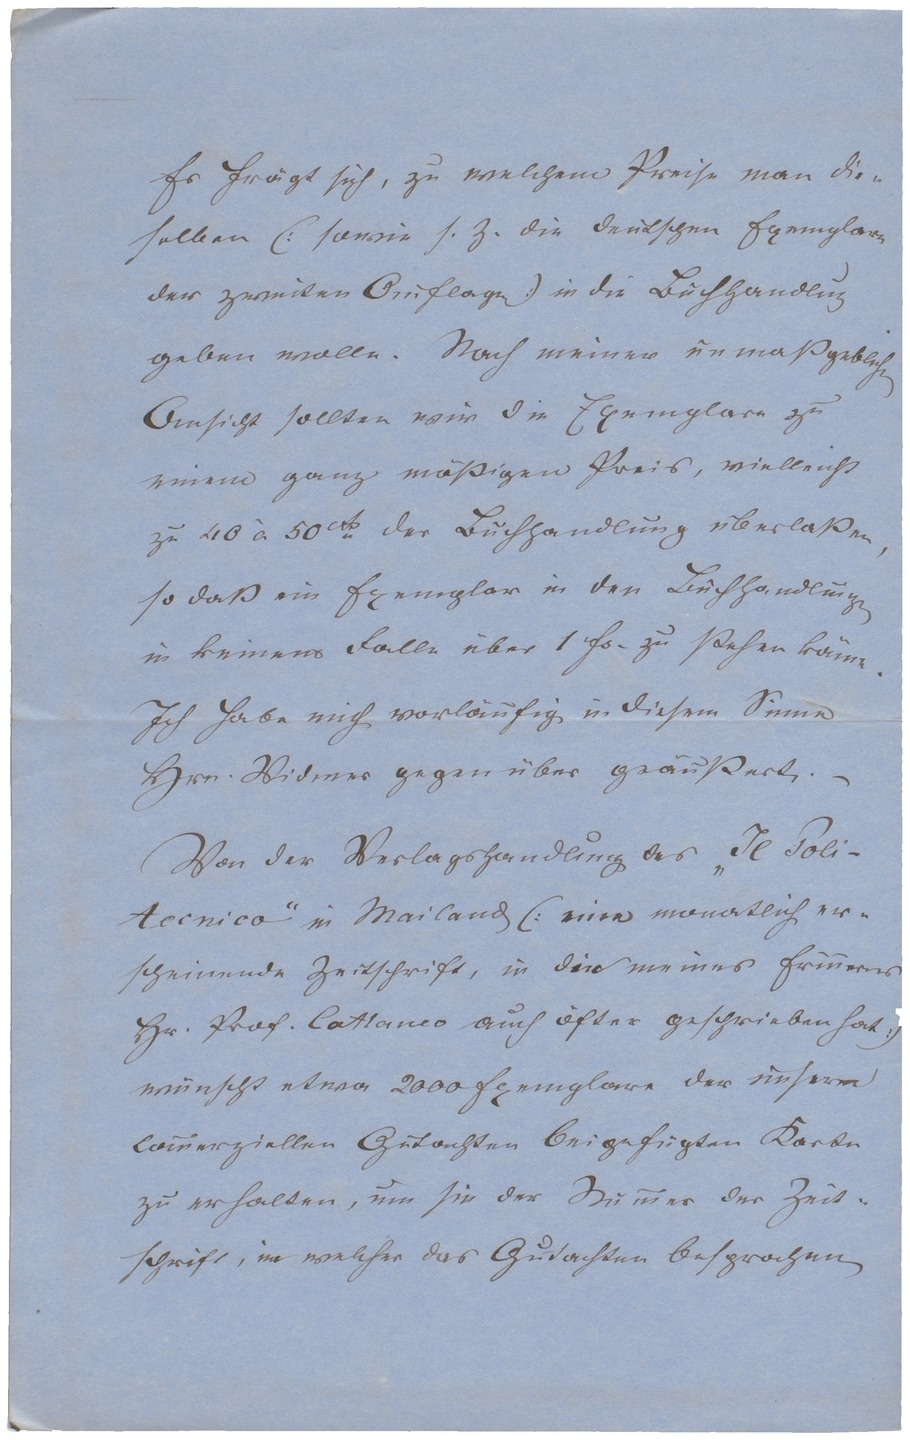Es frägt sich, zu welchem Preise man die-
selben (: sowie s. Z. die deutschen Exemplare
der zweiten Auflage: ) in die Buchhandlung
geben wolle. Nach meiner unmaßgeblichen
Ansicht sollten wir die Exemplare zu
einem ganz mäßigen Preis, vielleicht
zu 40 à 50 cts der Buchhandlung überlaßen,
so daß ein Exemplar in den Buchhandlungen
in keinem Falle über 1 fs. zu stehen käme.
Ich habe mich vorläufig in diesem Sinne
Hrn. Widmer gegenüber geäußert. –
Von der Verlagshandlung des «Il Poli-
tecnico» in Mailand (: eine monatlich er-
scheinende Zeitschrift, in die meines Erinnerns
Hr. Prof. Cattaneo auch öfter geschrieben hat:)
wünscht etwa 2000 Exemplare der unserm
commerziellen Gutachten beigefügten Karte
zu erhalten, um sie der Nummer der Zeit-
schrift, in welcher das Gutachten besprochen